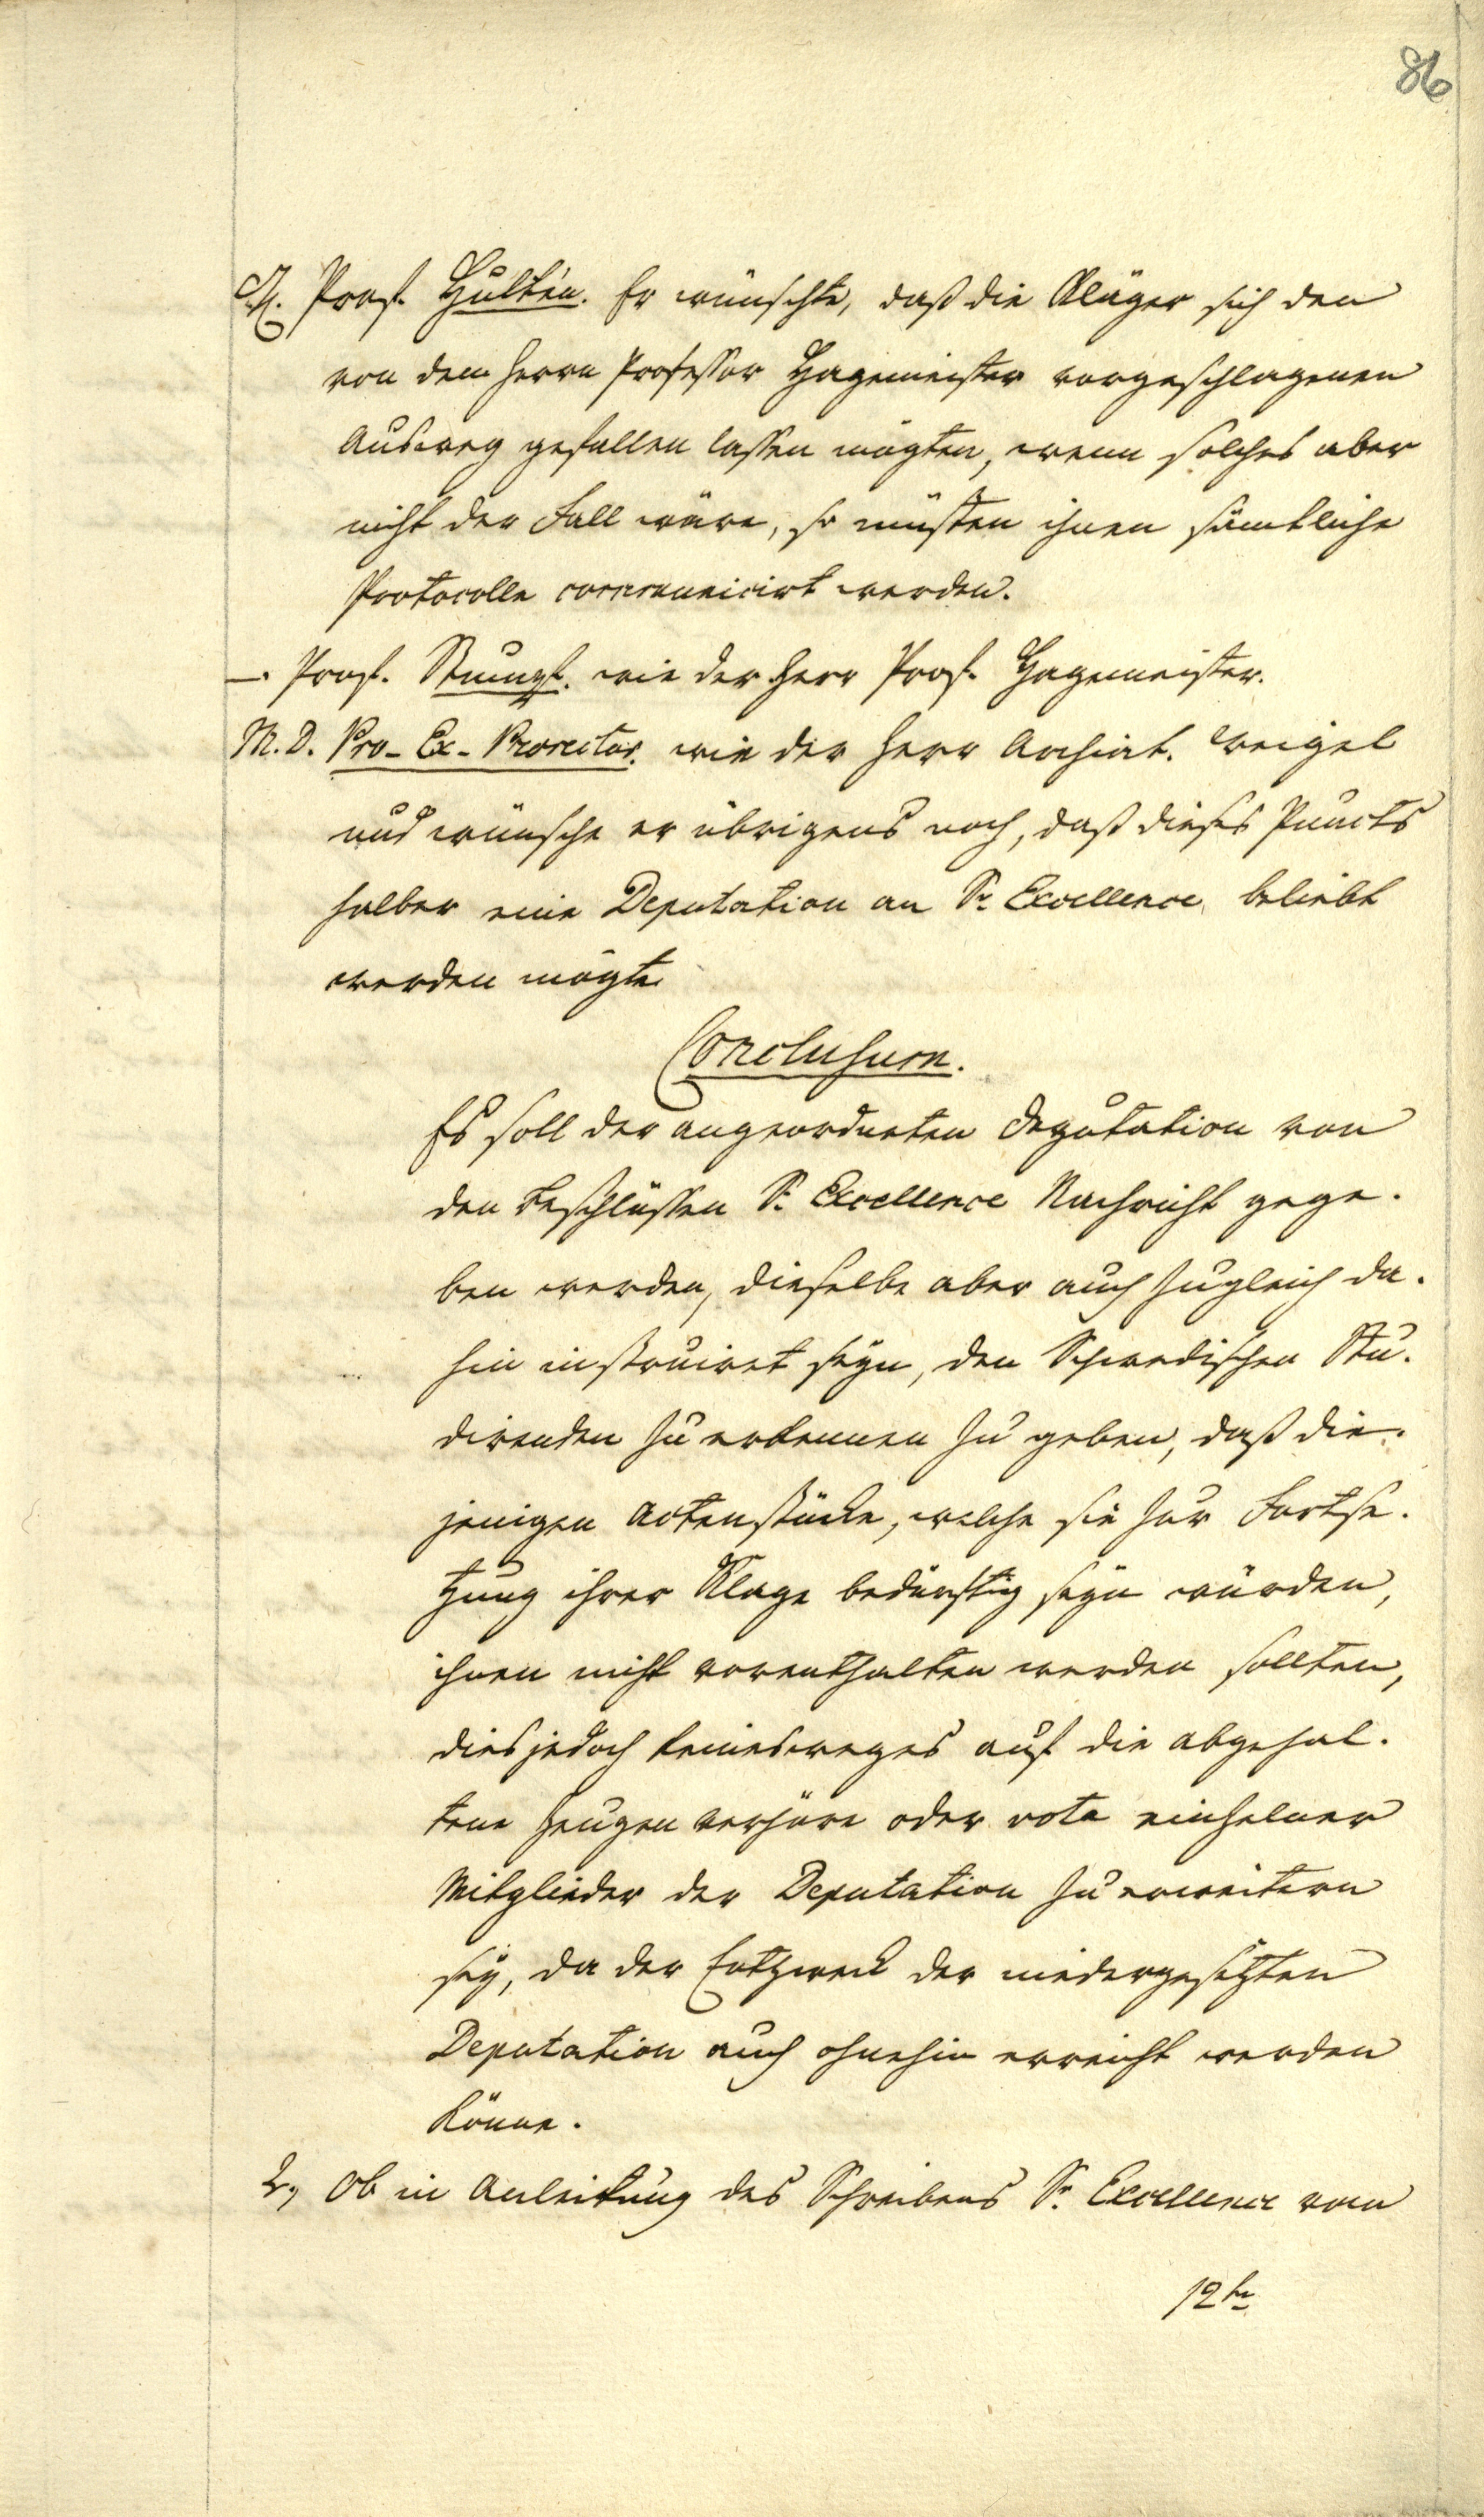dh. Prof. Hultén. Er wünschte, daß die Kläger sich den
von dem Herrn Professor Hagemeister vorgeschlagenen
Ausweg gefallen lassen mögten, wenn solches aber
nicht der Fall wäre, so müßten ihnen sämtliche
Protocolle communicirt werden.
Prof. Stumpf. wie der Herr Prof. Hagemeister.
M. D. Prof. Ex. Prorector wie der Herr Archiat. Weigel
und wünsche er übrigens noch, daß dieses Puncts
halber eine Deputation an Sr Excellence beliebt
werden mögte
Conclusum.
Es soll der angeordneten Deputation von
den Beschlüssen Sr Excellence Nachricht gege¬
ben werden, dieselbe aber auch zugleich da¬
hin instruiret seÿn, den Schwedischen Stu¬
direnden zu erkennen zu geben, daß die¬
jenigen Actenstücke, welche sie zur Fortse¬
tzung ihrer Klage bedürftig seÿn würden,
ihnen nicht vorenthalten werden sollten,
dies jedoch keinesweges auf die abgehal¬
tene Zeugen verhöre der vota einzelner
Mitglieder der Deputation zu erweitern
seÿ, da der Entzweck der niedergesetzten
Deputation auch ohnehin erreicht werden
könne.
2., Ob in Anleitung des Schreibens Sr Excellence vom
12t.